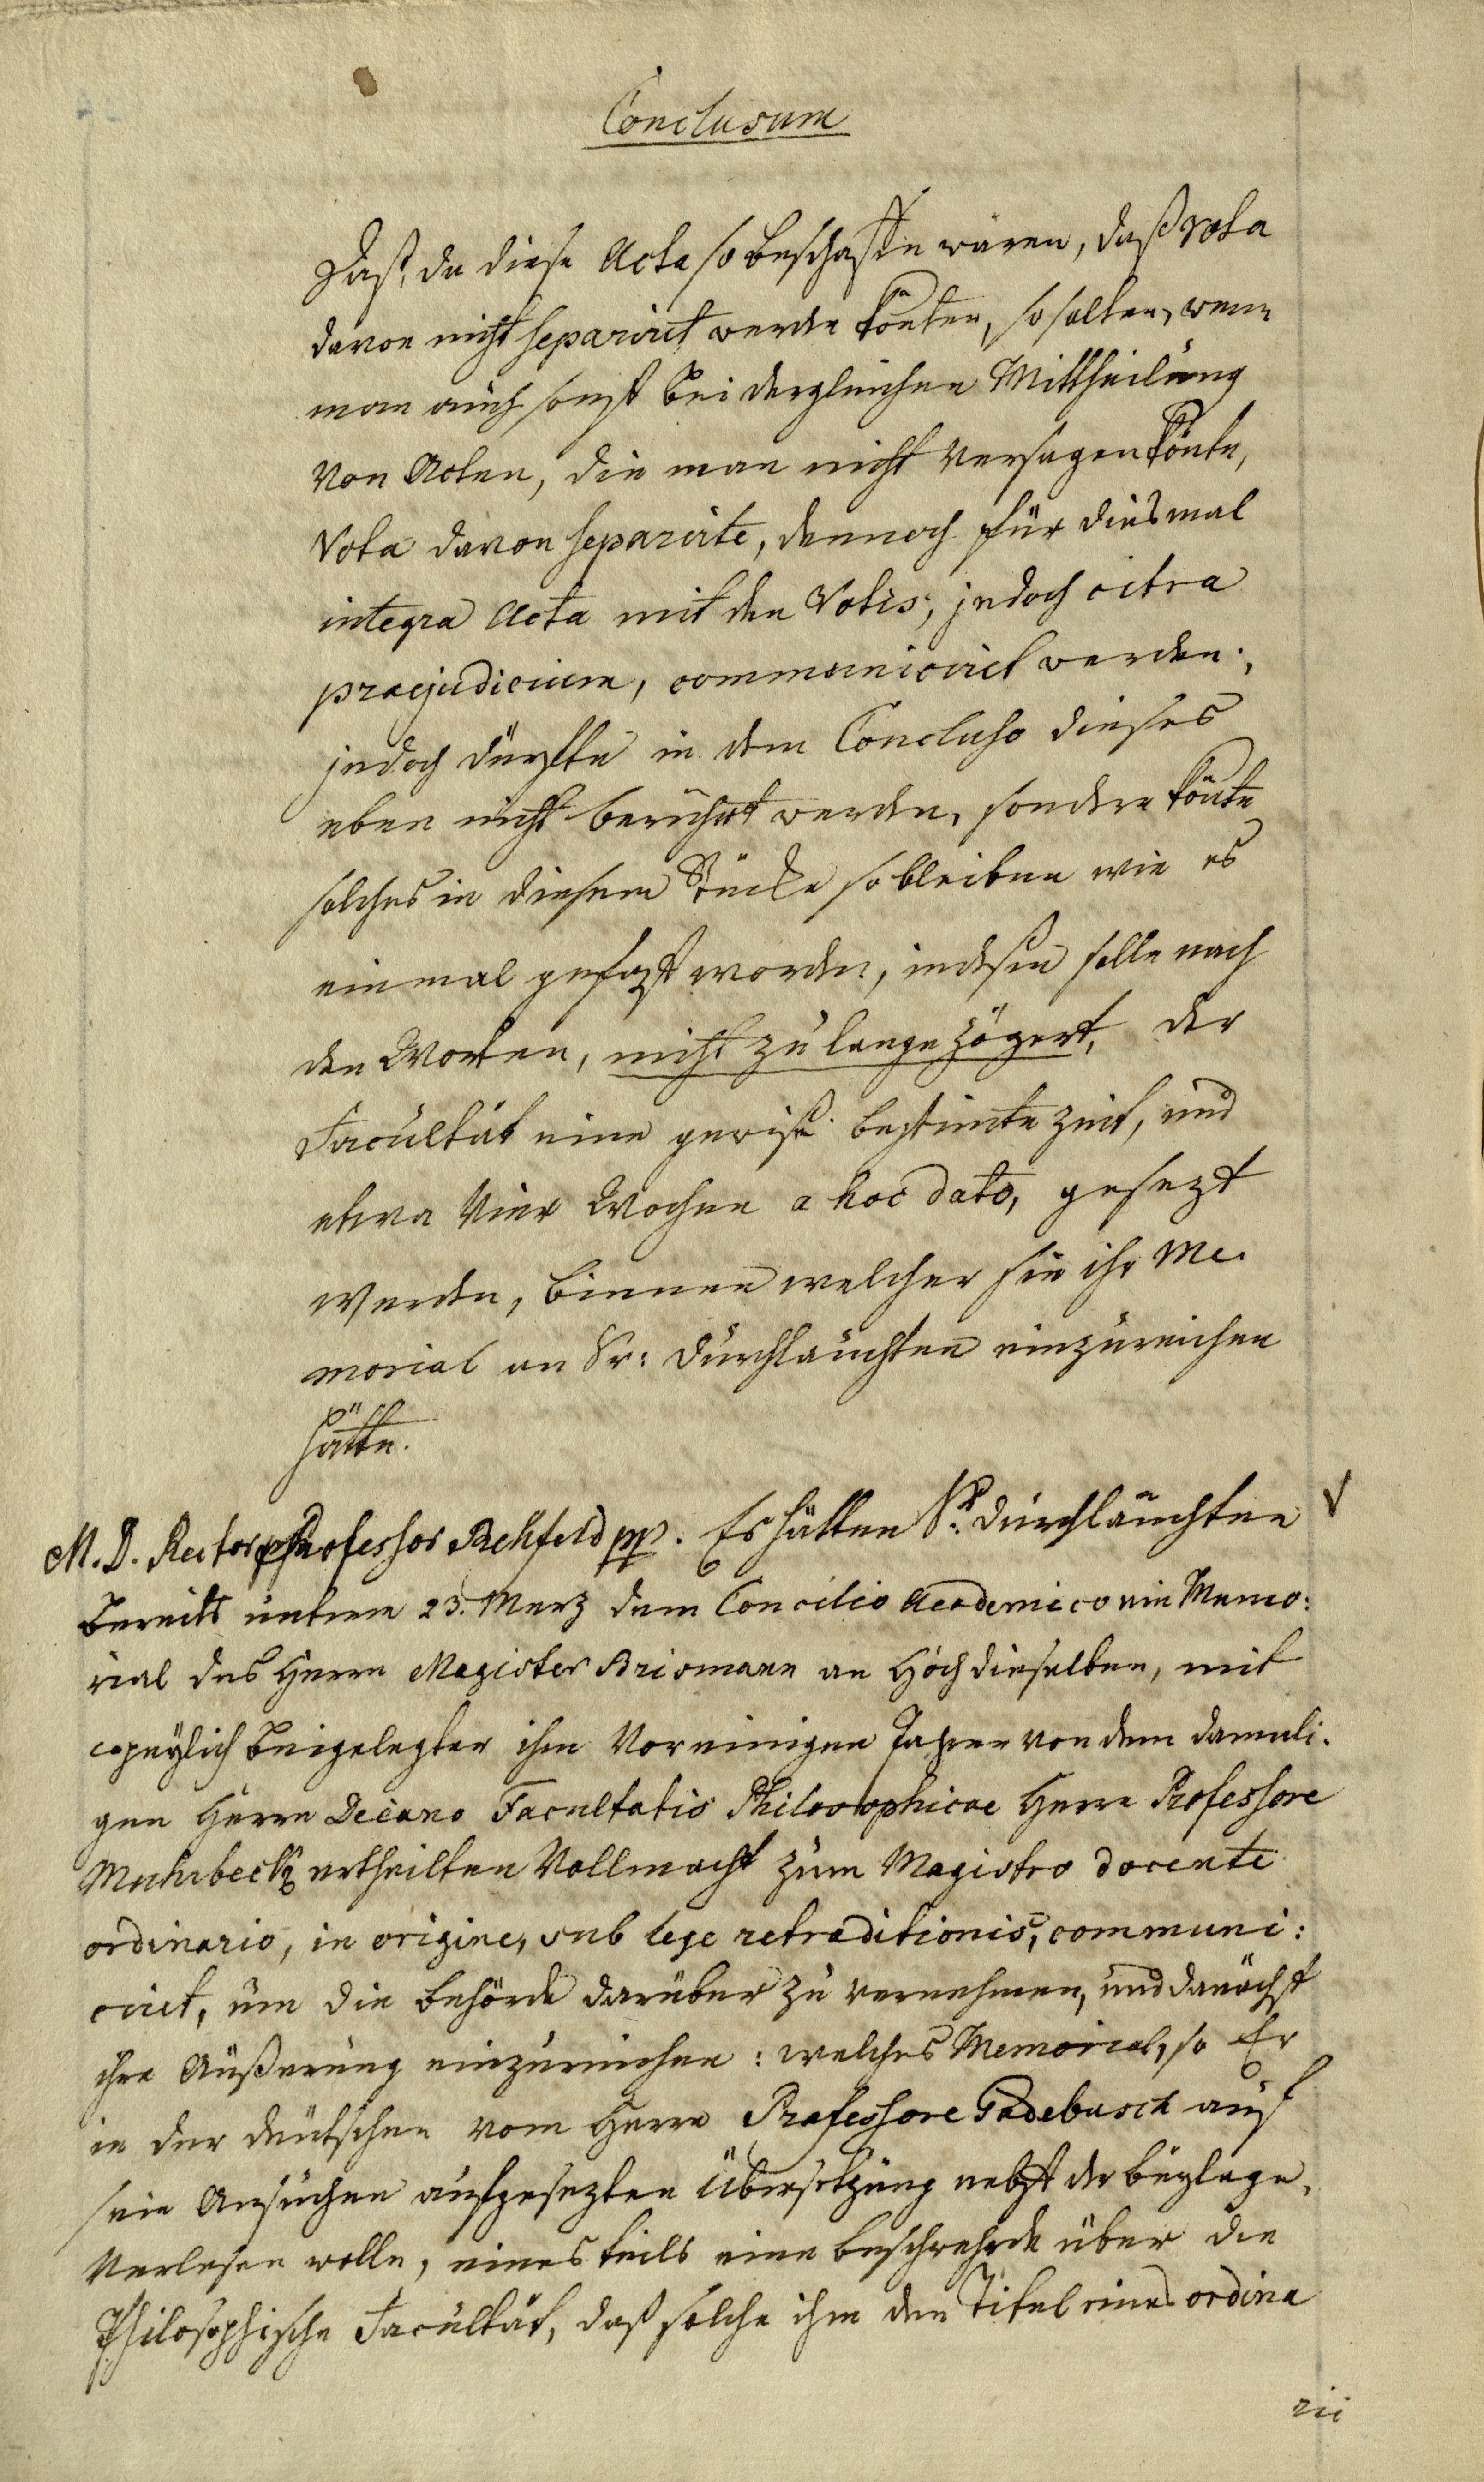Conclusum
Daß, da diese Acta so beschaffen wären, daß vota
davon nicht separiret werden könten, so solten, wenn
man auch sonst bei dergleichen Mittheilung
von Acten die man nicht versagen könte,
Vota davon separirte, dennoch für diesmal
integra Acta mit den Votis, jedoch citra
praejudicium, communiciret werden;
jedoch dürfte in dem Concluso dieses
eben nicht berühret werden, sondern könte
solches in diesem Stücke so bleiben wie es
einmal gefast worden, indeßen solle nach
den Worten, nicht zu lange zögert, der
Facultät eine gewiß ebestimte Zeit, und
etwa vier Wochen a hoc dato, gesezt
werden, binnen welcher sie ihr Me¬
morial an Sr Durchlauchten einzureichen
hätte.
M. D. Rector Professor Rehfeld pp. Es hätten Sr Durchlauchten
bereits unterm 23. Merz dem Concilio Academico ein Memo¬
rial des Herrn Magister Brismann an Hochdieselben, mit
copeÿlich beigelegter ihm vor einigen Jahren von dem damali¬
gen Herrn Decano Facultatis Philosophicae Herrn Professore
Muhrbeck ertheilten Vollmacht zum Magister docenti
ordinario, in origine, sub lege retraditionis, communi¬
ciret, um die Behörde darüber zu vernehmen und danächst
ihre Äußerung einzureichen: welches Memorial, so Er
in der deutschen vom Herrn Professore Gadebusch auf
sein Ansuchen aufgesezten Übersetzung nebst der Beÿlage,
verlesen wolle, eines teils eine Beschwehrde über die
Philosophische Facultät, daß solche ihm den Titel eines ordina
rii